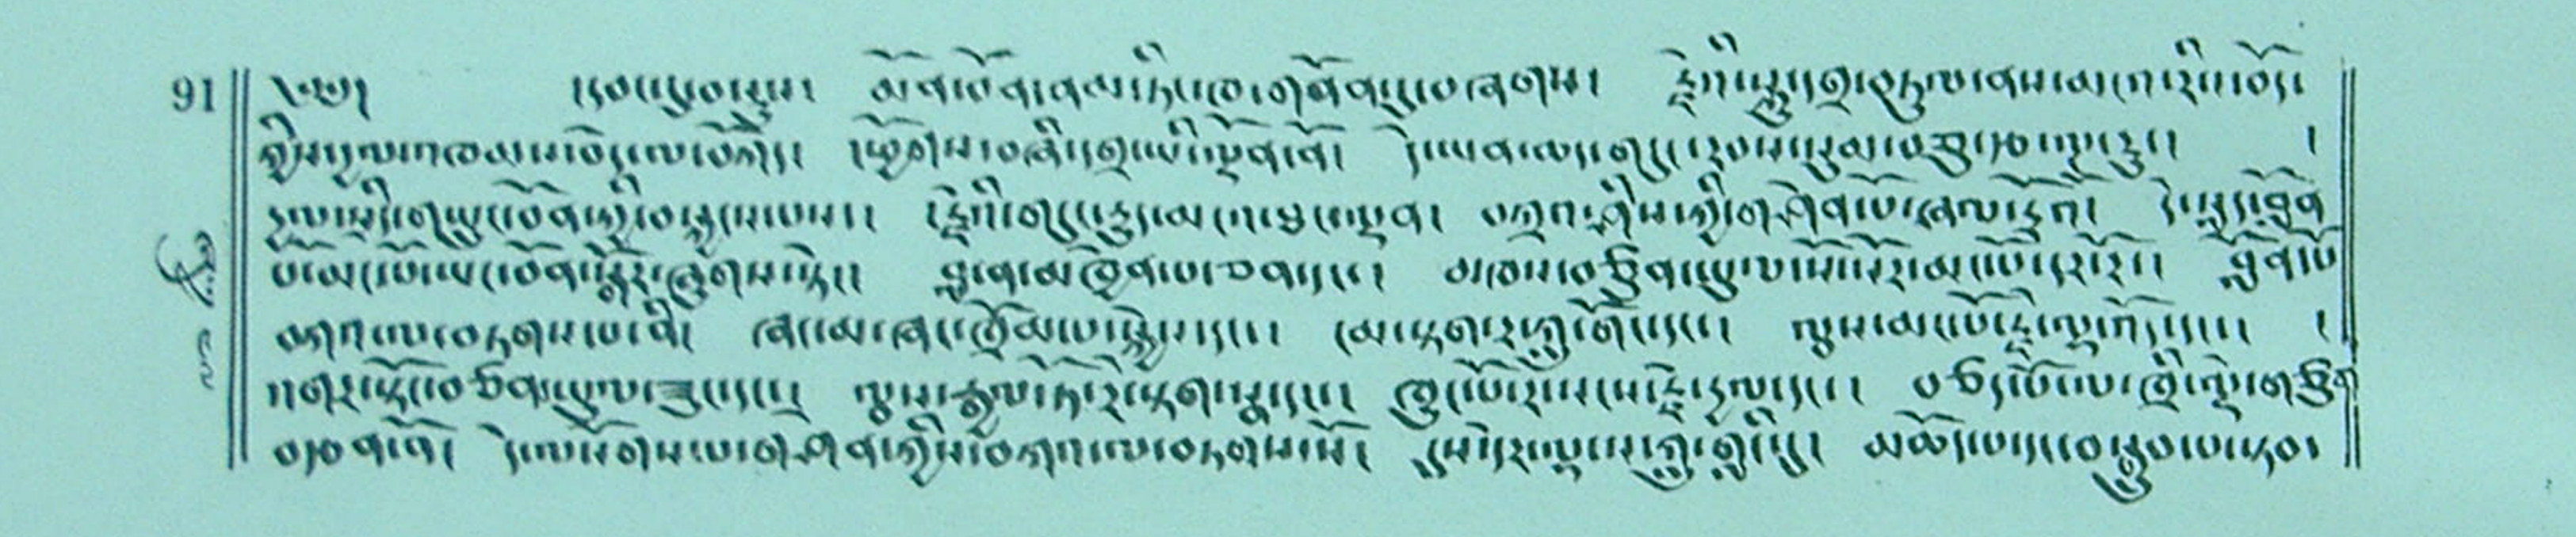༄༅། །དབང་དུ་བསྡུས། མོན་བོན་ནམ་ཏིང་ཁ་གནོན་དུ་བཞགས། རྗེ་ཡི་སྐུ་དགྲ་བཏུལ་ནས་མངའ་རིས་བོད་
ཀྱིས་རྒྱལ་ཁམས་བདེ་ལ་བཀོད། ཕྱོགས་བཞི་དགྲ་ཡི་ལྡོན་ནོ། །དེ་ཡན་ཆད་གདུང་རབས་སུམ་བཅུ་རྩ་ལྔ་རུ། 
རྒྱལ་སྲིད་གཡུང་དྲུང་བོན་གྱིས་བསྐྱངས་པས། རྗེའི་གདུང་རྒྱུད་མངའ་ཐང་ལྡན། བཀྲ་ཤིས་ཀྱི་གཤེན་པོ་ཞལ་དྲོའོ། དེ་སླད་བློན་
པོ་མང་པོ་ཡང་བོན་སྒོར་ཞུགས་ཏེ། བླ་ན་མཁྱེན་པ་ཅན་དང་། མཁས་བཙུན་ཡུལ་སོ་སོར་མང་པོ་དར་རོ། །བློན་པོ་
བཀའ་ལ་བཏགས་པ་ནི། ཞང་མ་ཞང་ཁྲོམ་པ་སྐྱེས་དང་། ངམ་སྟག་ར་ཀླུ་གོང་དང་། ལྦས་མང་པོ་ལྷ་རྗེ་འོད་དང་།
 འགར་སྟོང་བཙན་ཡུལ་ཟུང་དང་། ལྦས་རྒྱལ་ཏོ་རེ་སྟག་སྣ་དང་། ཁྱུང་བོ་ར་སངས་རྗེ་རྒྱལ་དང་། བཙན་པོ་ཁྲི་ལྡེ་གཙུག་
བཙན་ནོ། །དེ་ལས་སོགས་པ་གཤེན་གྱིས་བཀའ་ལ་བཏགས་སོ། །དུས་དེར་ལྷ་ས་ཀླུ་གླིང་དུ། མཆོད་པ་དང་བསྒྲུབ་པ་སྟབ་